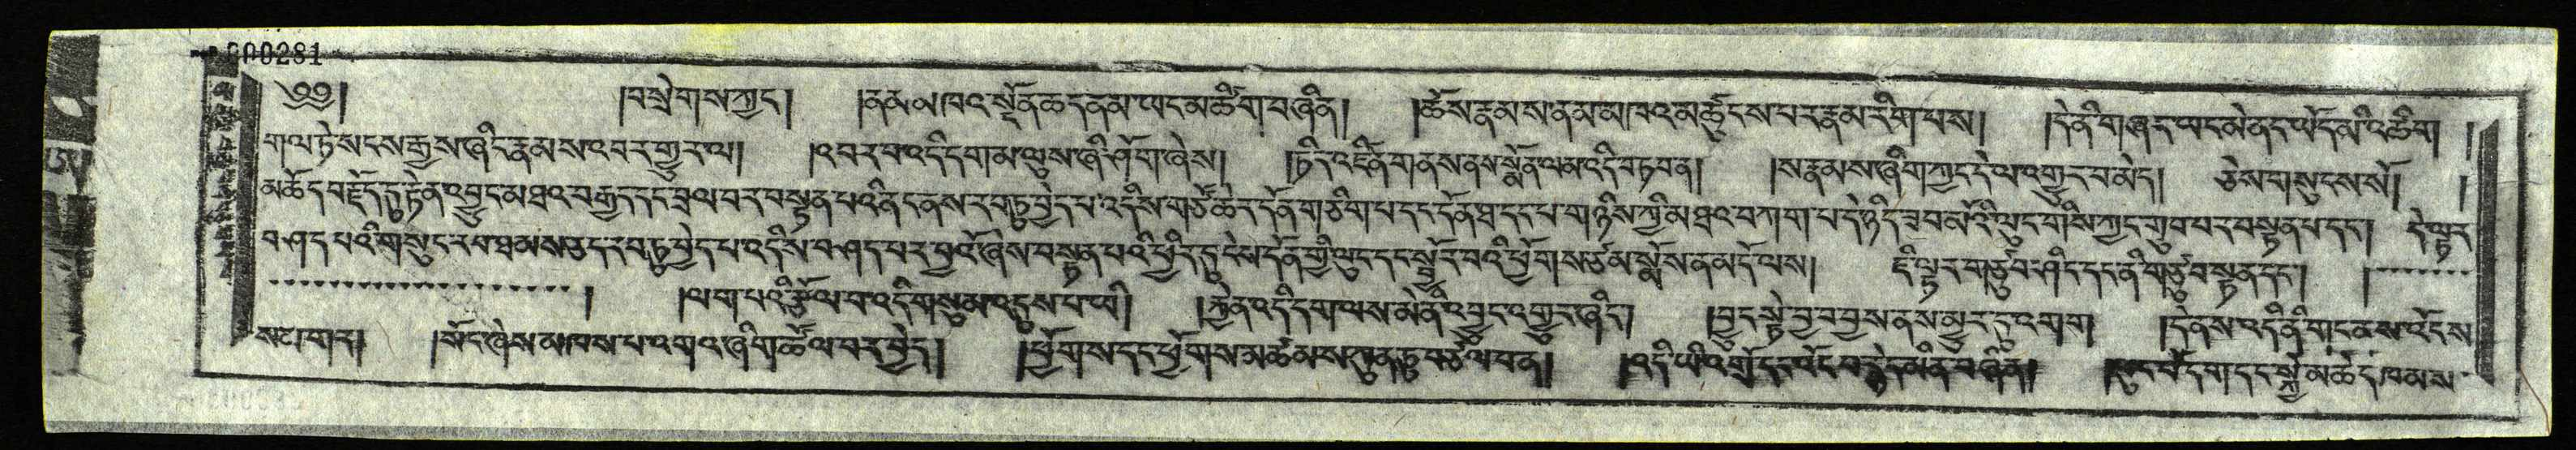༄༅། །བསྲེགས་ཀྱང་། །ནམ་མཁའ་སྔོན་ཆད་ནམ་ཡང་མ་ཚིག་བཞིན། །ཆོས་རྣམས་ནམ་མཁའ་མཚུངས་པར་རྣམ་རིག་པས། །དེ་ནི་གཞན་ཡང་མེ་ནང་ཡོད་མི་འཚིག །
གལ་ཏེ་སངས་རྒྱས་ཞིང་རྣམས་འབར་གྱུར་ལ། །འབར་བ་འདི་དག་མ་ལུས་ཞི་ཤོག་ཞེས། །ཏིང་འཛིན་གནས་ནས་སྨོན་ལམ་འདི་བཏབ་ན། །ས་རྣམས་ཞིག་ཀྱང་དེ་ལ་འགྱུར་བ་མེད། ཅེས་གསུངས་སོ། །
མཆོད་བརྗོད་དུ་རྟེན་འབྱུང་མཐའ་བརྒྱད་དང་བྲལ་བར་བསྟན་པའི་ནང་ནས་རབ་ཏུ་བྱེད་པ་འདིས་གཙོ་ཆེར་དོན་གཅིག་པ་དང་དོན་ཐ་དད་པ་གཉིས་ཀྱི་མཐའ་བཀག་པ་དེ་ཉིད་ཟབ་མོའི་ལུང་གིས་ཀྱང་གྲུབ་པར་བསྟན་པ་དང་། དེ་ལྟར་
བཤད་པའི་གསུང་རབ་ཐམས་ཅད་རབ་ཏུ་བྱེད་པ་འདིས་བཤད་པར་བྱའོ་ཞེས་བསྟན་པའི་ཕྱིར་དུ་ངེས་དོན་གྱི་ལུང་དང་སྦྱོར་བའི་ཕྱོགས་ཙམ་སྨོས་ན་མདོ་ལས། ཇི་ལྟར་གཙུབ་ཤིང་དང་ནི་གཙུབ་སྟན་དང་། །་་་
་་་། །ལག་པའི་རྩོལ་བ་འདི་གསུམ་འདུས་པ་ཡི། །རྐྱེན་འདི་དག་ལས་མེ་ནི་འབྱུང་འགྱུར་ཞིང་། །བྱུང་སྟེ་བྱ་བ་བྱས་ནས་མྱུར་དུ་འགག །དེ་ནས་འདི་ནི་གང་ནས་འོངས་
སམ་གར། །སོང་ཞེས་མཁས་པ་འགའ་ཞིག་ཚོལ་བར་བྱེད། །ཕྱོགས་དང་ཕྱོགས་མཚམས་ཀུན་ཏུ་བཙལ་བ་ན། །འདི་ཡི་འགྲོ་དང་འོང་བ་རྙེད་མིན་བཞིན། །ཕུང་པོ་དག་དང་སྐྱེ་མཆེད་ཁམས་